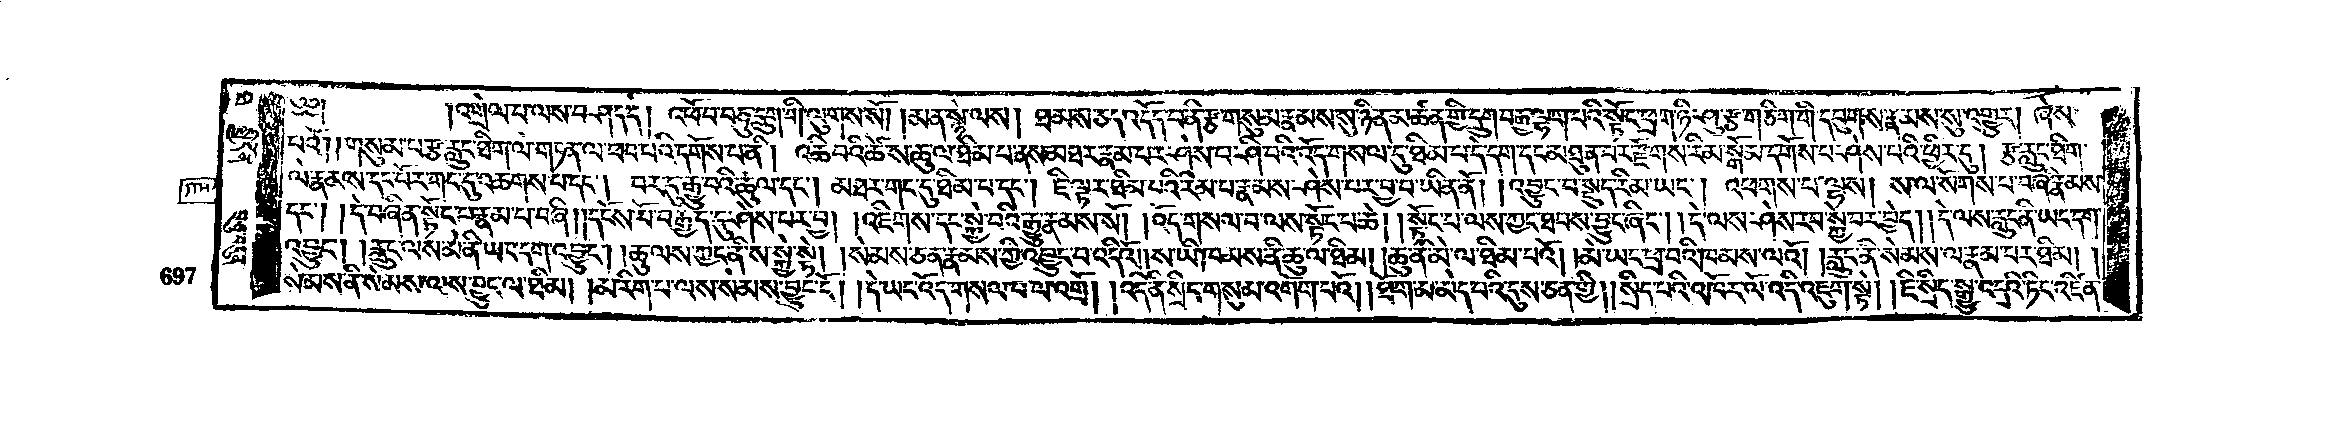༄༅། །འགྲེལ་པ་ལས་བཤད་དོ། འཕོ་བ་བཅུ་དྲུག་གི་ལུགས་སོ། །མན་སྙེ་ལས། ཐམས་ཅད་འདོད་པ་ནི་རྩ་གསུམ་རྣམས་སུ་ཉིན་མཚན་གྱི་དྲུག་བརྒྱ་ལྷག་པའི་སྟོང་ཕྲག་ཉི་ཤུ་རྩ་གཅིག་གི་དབུགས་རྣམས་སུ་འགྱུར། ཞེས་
པའོ། །གསུམ་པ་རྩ་རླུང་ཐིག་ལེ་གཏན་ལ་ཕབ་པའི་དགོས་པ་ནི། འཆི་བའི་ཚེ་ས་ཆུ་ལ་ཐིམ་པ་ནས་མཐར་རྣམ་པར་ཤེས་པ་ཤི་བའི་འོད་གསལ་དུ་ཐིམ་པ་དེ་དག་དང་མཐུན་པར་རྫོགས་རིམ་སྒོམ་དགོས་པ་ཤེས་པའི་ཕྱིར་དུ། རྩ་རླུང་ཐིག་
ལེ་རྣམས་དང་པོར་གང་དུ་འཆགས་པ་དང་། བར་དུ་རྒྱུ་བའི་ཚུལ་དང་། མཐར་གང་དུ་ཐིམ་པ་དང་། ཇི་ལྟར་ཐིམ་པའི་རིམ་པ་རྣམས་ཤེས་པར་བྱ་བ་ཡིན་ནོ། །འབྱུང་བ་སྡུད་རིམ་ཡང་། འཕགས་པ་ལྷས། ས་ལ་སོགས་པ་བཞི་རྣམས་
དང་། །དེ་བཞིན་སྟོང་པ་རྣམ་པ་བཞི། །དངོས་པོ་བརྒྱད་དུ་ཤེས་པར་བྱ། །འཇིགས་དང་སྐྱེ་བའི་རྒྱུ་རྣམས་སོ། །འོད་གསལ་བ་ལས་སྟོང་པ་ཆེ། །སྟོང་པ་ལས་ཀྱང་ཐབས་བྱུང་ཞིང་། །དེ་ལས་ཤེས་རབ་སྐྱེ་བར་བྱེད། །དེ་ལས་རླུང་ནི་ཡང་དག་
འབྱུང་། །རླུང་ལས་མེ་ནི་ཡང་དག་འབྱུང་། །ཆུ་ལས་ཀྱང་ནི་ས་སྐྱེ་སྟེ། །སེམས་ཅན་རྣམས་ཀྱི་འབྱུང་བ་འདིའོ། །ས་ཡི་ཁམས་ནི་ཆུ་ལ་ཐིམ། །ཆུ་ནི་མེ་ལ་ཐིམ་པའོ། །མེ་ཡང་ཕྲ་བའི་ཁམས་ལའོ། །རླུང་ནི་སེམས་ལ་རྣམ་པར་ཐིམ། །
སེམས་ནི་སེམས་ལས་བྱུང་ལ་ཐིམ། །མ་རིག་པ་ལས་སེམས་བྱུང་ངོ། །དེ་ཡང་འོད་གསལ་བ་ལ་འགྲོ། །འདི་ནི་རྨིད?་གསུམ་འགོག་པའོ། །ཐོག་མ་མེད་པའི་དུས་ཅན་གྱི། །སྲིད་པའི་འཁོར་ལོ་འདི་འཇུག་སྟེ། །ཇི་སྲིད་སྒྱུ་འདྲའི་ཏིང་འཛིན་